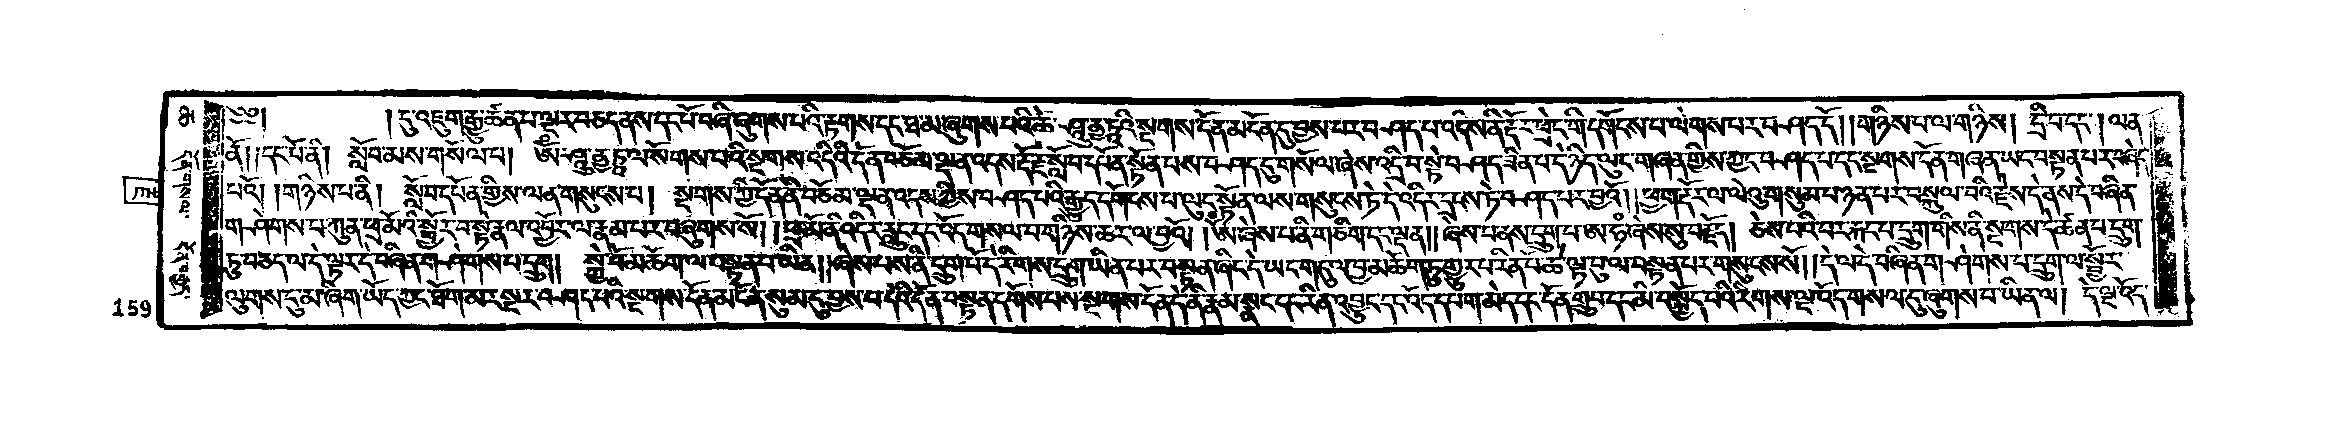༄༅། །དུ་འཇུག་རྒྱུ་ཚན་པ་ལྔར་བཅད་ནས་དང་པོ་བཞི་ཞུགས་པའི་རྟགས་དང་ཐ་མ་ཞུགས་པའི་ཚེ་ཤཱུ་ཉ་ཏཱི་སྔགས་དོན་མངོན་དུ་བྱས་པར་བཤད་པ་འདིས་ནི་རྡོར་ཕྲེང་གི་དགོངས་པ་ལེགས་པར་བཤད་དོ། །གཉིས་པ་ལ་གཉིས། དྲི་བ་དང་། ལན་
ནོ། །དང་པོ་ནི། སློབ་མས་གསོལ་པ། ཨོཾ་ཤཱུ་ཉ་ཏཱ་ལ་སོགས་པའི་སྔགས་འདིའི་དོན་བཅོམ་ལྡན་འདས་རྡོ་རྗེ་སློབ་དཔོན་སྟོན་པས་བཤད་དུ་གསོལ་ཞེས་འདྲི་བ་སྟེ་བཤད་ཟིན་པ་དེ་ཉིད་ལུང་གཞན་གྱིས་ཀྱང་བཤད་པ་དང་སྔགས་དོན་གཞན་ཡང་བསྟན་པར་བཞེད་
པའོ། །གཉིས་པ་ནི། སློབ་དཔོན་གྱིས་ལན་གསུངས་པ། སྔགས་ཀྱི་དོན་ནི་བཅོམ་ལྡན་འདས་ཀྱིས་བཤད་པའི་རྒྱུད་དགོངས་པ་ལུང་སྟོན་ལས་གསུངས་ཏེ་དེ་འདིར་དྲངས་ཏེ་བཤད་པར་བྱའོ། །ཕྱག་རྡོར་ལ་ལེའུ་གསུམ་པ་ཉན་པར་བསྐུལ་བའི་རྗེས་དེ་ནས་དེ་བཞིན་
གཤེགས་པ་ཀུན་ཕྲ་མོའི་སྦྱོར་བ་སྟེ་རྣལ་འབྱོར་ལ་རྣམ་པར་བཞུགས་སོ། །ཕྲ་མོ་ནི་འདིར་རླུང་དང་འོད་གསལ་བ་གཉིས་ཆར་ལ་བྱའོ། །ཨོཾ་ཞེས་པ་ནི་གཅིག་དང་ལྡན། །ཞེས་པ་ནས་དྲུག་པ་ཨ་ཧཾ་ཞེས་སུ་བརྗོད། ཅེས་པའི་བར་རྐང་པ་དྲུག་གིས་ནི་སྔགས་དེ་ཚན་པ་དྲུག་
ཏུ་བཅད་ལ་དེ་ལྟར་དེ་བཞིན་གཤེགས་པ་དྲུག། སྐྱེ་བོ་མཆོག་ལ་བསྟན་པ་ཡིན། །ཞེས་པས་ནི་དྲུག་པོ་དེ་རིགས་དྲུག་ཡིན་པར་བསྟན་ཞིང་དེ་ཡང་གདུལ་བྱ་མཆོག་ཏུ་གྱུར་པ་རིན་པོ་ཆེ་ལྟ་བུ་ལ་བསྟན་པར་གསུངས་སོ། །དེ་ལ་དེ་བཞིན་གཤེགས་པ་དྲུག་ལ་སྦྱོར་
ལུགས་དུ་མ་ཞིག་ཡོད་ཀྱང་ཐོག་མར་སྔར་བཤད་པའི་སྔགས་དོན་མངོན་སུམ་དུ་བྱས་པ་དེའི་དོན་བསྟན་དགོས་པས་སྔགས་དོན་དེ་ནི་རྣམ་སྣང་དང་རིན་འབྱུང་དང་འོད་དཔག་མེད་དང་དོན་གྲུབ་དང་མི་བསྐྱོད་པའི་རིགས་ལྔ་འོད་གསལ་དུ་ཞུགས་པ་ཡིན་ལ། དེ་ལྔ་འོད་